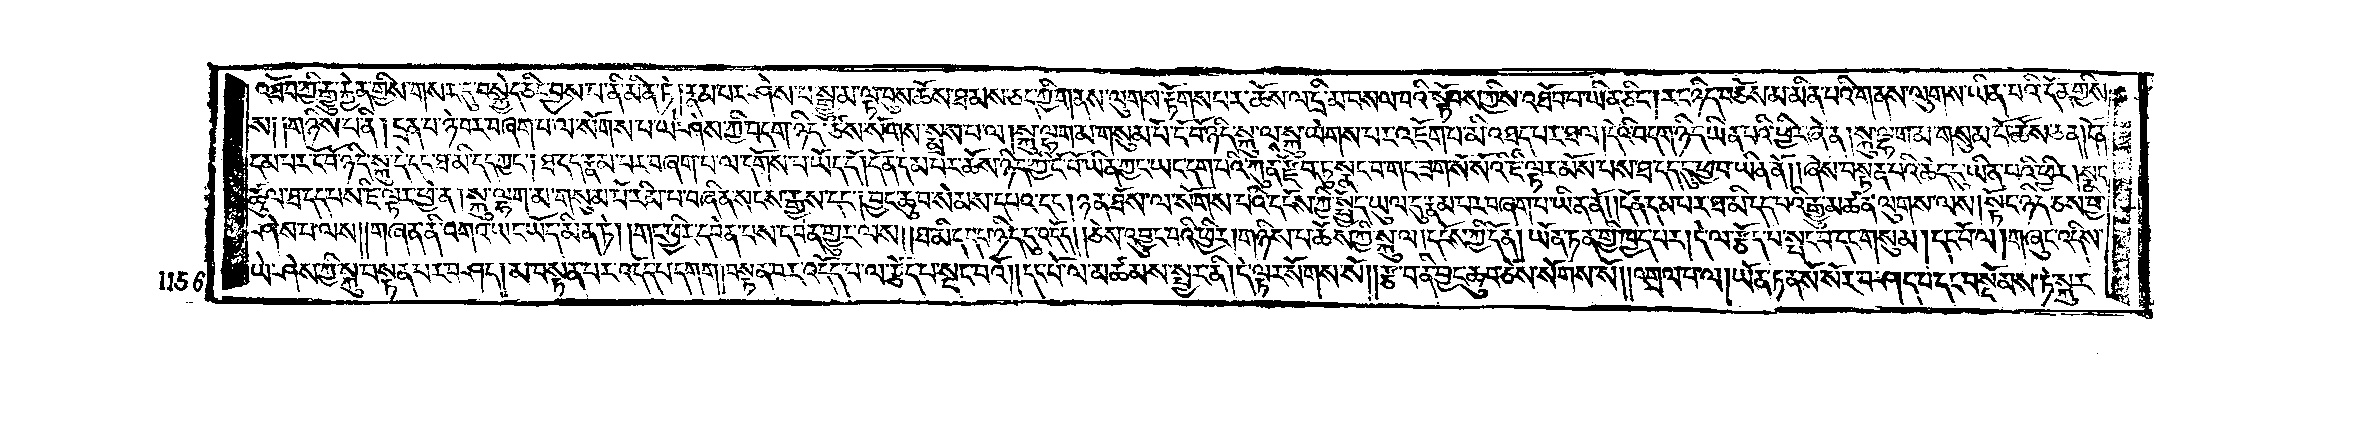འཐོབ་ཀྱི་རྒྱུ་རྐྱེན་གྱིས་གསར་དུ་བསྐྱེད་ཅིང་བྱས་པ་ནི་མིན་ཏེ། རྣམ་པར་ཤེས་པ་སྒྱུ་མ་ལྟ་བུས་ཆོས་ཐམས་ཅད་ཀྱི་གནས་ལུགས་རྟོགས་པར་ཆོས་ལ་དྲི་མ་བསལ་བའི་སྟོབས་ཀྱིས་འཐོབ་པ་ཡིན་ཅིང་། རང་ཉིད་བཅོས་མ་མིན་པའི་གནས་ལུགས་ཡིན་པའི་དོན་གྱིས་
ས། །གཉིས་པ་ནི། དྲན་པ་ཉེ་བར་བཞག་པ་ལ་སོགས་པ་ཡེ་ཤེས་ཀྱི་བདག་ཉིད་ཙས་སོགས་སྨྲས་པ་ལ། སྐུ་ལྷག་མ་གསུམ་པོ་ངོ་བོ་ཉིད་སྐུ་ལ་སྐུ་ལེགས་པར་འཇོག་པ་མི་འཐད་པར་ཐལ། དེའི་བདག་ཉིད་ཡིན་པའི་ཕྱིར་ཞེ་ན། སྐུ་ལྷག་མ་གསུམ་པོ་ཆོས་ཅན། དོན་
དམ་པར་ངོ་བོ་ཉིད་སྐུ་དེ་དང་ཐ་མི་དད་ཀྱང་། ཐ་དད་རྣམ་པར་བཞག་པ་ལ་དགོས་པ་ཡོད་དོ། དོན་དམ་པར་ཆོས་ཉིད་ཀྱི་ངོ་བོ་ཡིན་ཀྱང་ཡང་དག་པའི་ཀུན་རྫོབ་ཏུ་སྣང་བ་གང་ཟག་སོ་སོའི་ཇི་ལྟར་མོས་པས་ཐ་དད་དུ་ཕྱེ་བ་ཡིན་ནོ། །ཞེས་བསྟན་པའི་ཆེད་དུ་ཡིན་པའི་ཕྱིར། སྣང་
ཚུལ་ཐ་དད་པས་ཇི་ལྟར་ཕྱེ་ན། སྐུ་ལྷག་མ་གསུམ་པོ་རིམ་པ་བཞིན་སངས་རྒྱས་དང་། བྱང་ཆུབ་སེམས་དཔའ་དང་། ཉན་ཐོས་ལ་སོགས་པའི་དངོས་ཀྱི་སྤྱོད་ཡུལ་དུ་རྣམ་པར་བཞག་པ་ཡིན་ནོ། །དོན་དམ་པར་ཐ་མི་དད་པའི་རྒྱུ་མཚན་ལུགས་ལས། སྟོང་ཉིད་ཅེས་བྱ་
ཤེས་པ་ལས། །གཞན་ནི་འགའ་ཡང་ཡོད་མིན་ཏེ། །གང་ཕྱིར་དབེན་པས་དབེན་གྱུར་ལས། །ཐ་མི་དད་པ་ཉིད་དུ་འདོད། །ཅེས་འབྱུང་བའི་ཕྱིར། གཉིས་པ་ཆོས་ཀྱི་སྐུ་ལ། དངོས་ཀྱི་དོན། ཡོན་ཏན་གྱི་ཁྱད་པར། དེ་ལ་རྩོད་པ་སྤང་བ་དང་གསུམ། དང་པོ་ལ། གཞུང་འདིས་
ཡེ་ཤེས་ཀྱི་སྐུ་བསྟན་པར་བཤད། མ་བསྟན་པར་འདོད་པ་དགག། བསྟན་པར་འདོད་པ་ལ་རྩོད་པ་སྡང་བའོ། །དང་པོ་ལ་མཚམས་སྦྱར་ནི། དེ་ལྟར་སོགས་སོ། །རྩ་བ་ནི་བྱང་ཆུབ་ཅེས་སོགས་སོ། །འགྲེལ་པ་ལ། ཡོན་ཏན་སོ་སོར་བཤད་པ་དང་བསྡོམས་ཏེ་སྐུར་